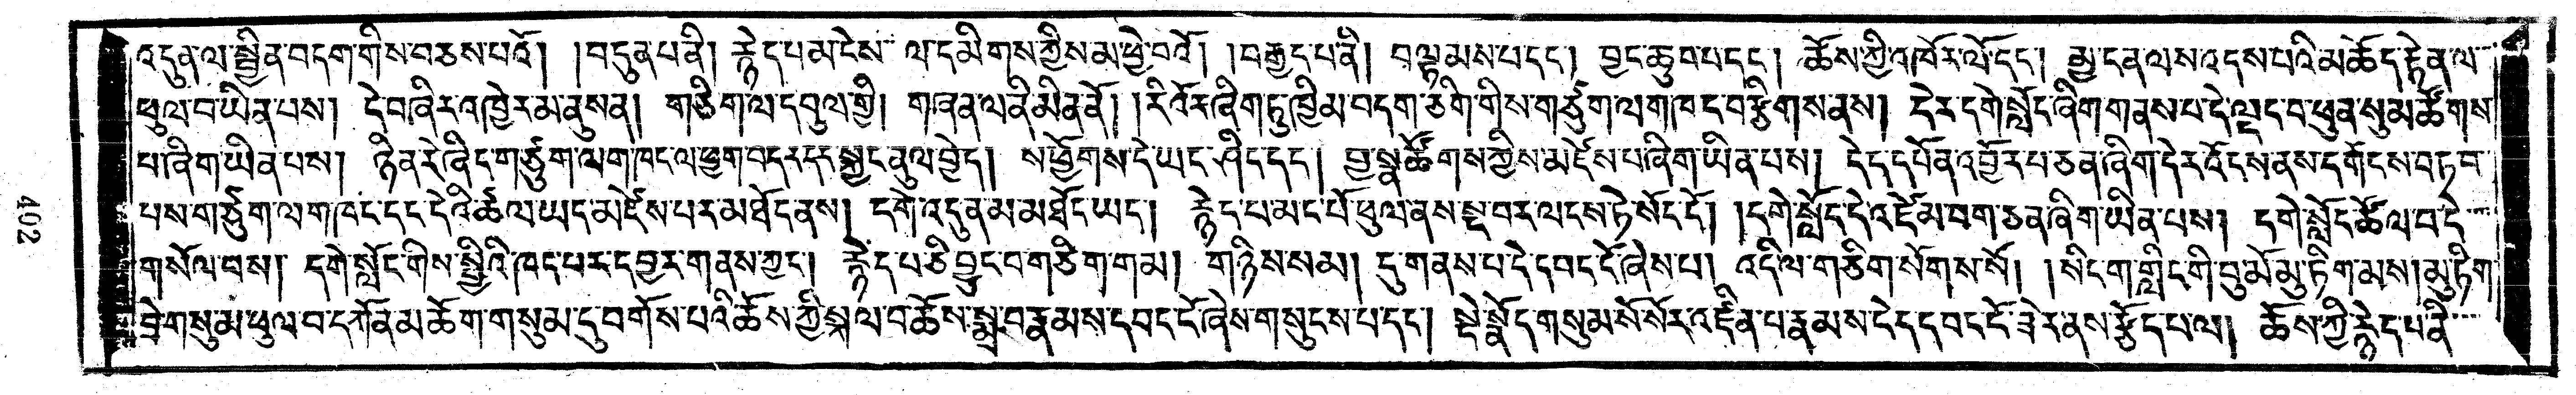འདུན་ལ་སྦྱིན་བདག་གིས་བཅས་པའོ། །བདུན་པ་ནི། རྙེད་པ་མ་ངེས་ལ་དམིགས་ཀྱིས་མ་ཕྱེ་བའོ། །བརྒྱད་པ་ནི། བལྟམས་པ་དང་། བྱང་ཆུབ་པ་དང་། ཆོས་ཀྱི་འཁོར་ལོ་དང་། མྱ་ངན་ལས་འདས་པའི་མཆོད་རྟེན་ལ་
ཕུལ་བ་ཡིན་པས། དེ་བཞིར་འཁྱེར་མ་ནུས་ན། གཅིག་ལ་དབུལ་གྱི། གཞན་ལ་ནི་མིན་ནོ། །རི་འོར་ཞིག་ཏུ་ཁྱིམ་བདག་ཅིག་གིས་གཙུག་ལག་ཁང་བརྩིགས་ནས། དེར་དགེ་སློང་ཞིག་གནས་པ་དེ་ལྡང་བ་ཕུན་སུམ་ཚོགས་
པ་ཞིག་ཡིན་པས། ཉིན་རེ་ཞིང་གཙུག་ལག་ཁང་ལ་ཕྱག་བདར་དང་སྐྱང་ནུལ་བྱེད། ས་ཕྱོགས་དེ་ཡང་ཤིང་དང་། བྱ་སྣ་ཚོགས་ཀྱིས་མཛེས་པ་ཞིག་ཡིན་པས། དེད་དཔོན་འབྱོར་པ་ཅན་ཞིག་དེར་འོངས་ནས་དགོངས་བཏབ་
པས་གཙུག་ལག་ཁང་དང་དེའི་ཚལ་ཡང་མཛེས་པར་མཐོང་ནས། དགེ་འདུན་མ་མཐོང་ཡང་། རྙེད་པ་མང་པོ་ཕུལ་ནས་སྔ་བར་ལངས་ཏེ་སོང་ངོ། །དགེ་སློང་དེ་འཛེམ་བག་ཅན་ཞིག་ཡིན་པས། དགེ་སློང་ཚོལ་བ་དེ་
གསོལ་བས། དགེ་སློང་གིས་སྤྱིའི་ཁང་པར་དབྱར་གནས་ཀྱང་། རྙེད་པ་ཅི་བྱུང་བ་གཅིག་གམ། གཉིས་སམ། དུ་གནས་པ་དེ་དབང་ངོ་ཞེས་པ། འདི་ལ་གཅིག་སོགས་སོ། །སིང་ག་གླིང་གི་བུ་མོ་མུ་ཏིག་མས། མུ་ཏིག་
བྲེ་གསུམ་ཕུལ་བ་དཀོན་མཆོག་གསུམ་དུ་བགོས་པའི་ཆོས་ཀྱི་སྐལ་བ་ཆོས་སྨྲ་བ་རྣམས་དབང་ངོ་ཞེས་གསུངས་པ་དང་། སྡེ་སྣོད་གསུམ་སོ་སོར་འཛིན་པ་རྣམས་ངེད་དབང་ངོ་ཟེར་ནས་རྩོད་པ་ལ། ཆོས་ཀྱི་རྙེད་པ་ནི་